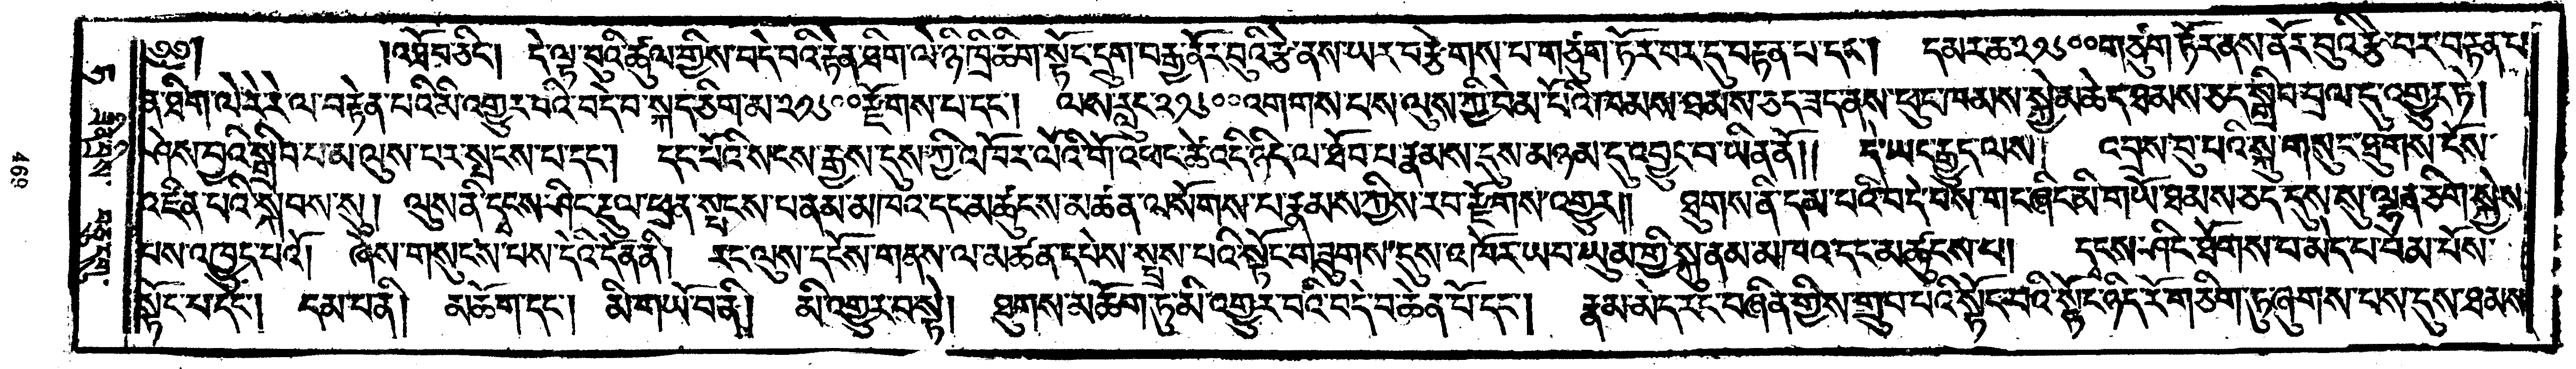༄༅། །འཐོབ་ཅིང་། དེ་ལྟ་བུའི་ཚུལ་གྱིས་བདེ་བའི་རྟེན་ཐིག་ལེ་ཉི་ཁྲི་ཆིག་སྟོང་དྲུག་བརྒྱ་ནོར་བུའི་རྩེ་ནས་ཡར་བརྩེགས་པ་གཙུག་ཏོར་བར་དུ་བརྟན་པ་དང་། དམར་ཆ ༢༡༦༠༠་གཙུག་ཏོར་ནས་ནོར་བུའི་རྩེ་བར་བརྟན་པ་
ན་ཐིག་ལེ་རེ་རེ་ལ་བརྟེན་པའི་མི་འགྱུར་བའི་བདེ་བ་སྐད་ཅིག་མ ༢༡༦༠༠་རྫོགས་པ་དང་། ལས་རླུང ༢༡༦༠༠་འགགས་པས་ལུས་ཀྱི་བེམ་པོའི་ཁམས་ཐམས་ཅད་ཟད་ནས་ཕུང་ཁམས་སྐྱེ་མཆེད་ཐམས་ཅད་སྒྲིབ་བྲལ་དུ་འགྱུར་ཏེ།
ཤེས་བྱའི་སྒྲིབ་པ་མ་ལུས་པར་སྤངས་པ་དང་། དང་པོའི་སངས་རྒྱས་དུས་ཀྱི་འཁོར་ལོའི་གོ་འཕང་ཚེ་འདི་ཉིད་ལ་ཐོབ་པ་རྣམས་དུས་མཉམ་དུ་འབྱུང་བ་ཡིན་ནོ།། དེ་ཡང་རྒྱུད་ལས། འབྲས་བུ་པའི་སྐུ་གསུང་ཐུགས་ངོས་
འཛིན་པའི་སྐབས་སུ། ལུས་ནི་དྭངས་ཤིང་རྔུལ་ཤིང་རྔུལ་ཕྲན་སྤངས་པ་ནམ་མཁའ་དང་མཚུངས་མཚན་ལ་སོགས་པ་རྣམས་ཀྱིས་རབ་རྫོགས་འགྱུར།། ཐུགས་ནི་དམ་པའི་བདེ་པས་གནག་ཞིང་མི་གྱོ་ཐམས་ཅད་དུས་སུ་ལྷན་ཅིག་སྐྱེས་
པས་འཁྱུད་པའོ། ཞེས་གསུངས་པས་དེའི་དོན་ནི། རང་ལུས་དངོས་གནས་ལ་མཚན་དཔེས་སྤྲས་པའི་སྟོང་གཟུགས་དུས་འཁོར་ཡབ་ཡུམ་གྱི་སྐུ་ནམ་མཁའ་དང་མཚུངས་པ། དྭངས་ཤིང་ཐོགས་པ་མེད་པ་བེམ་པོས་
སྟོང་པ་དང་། དམ་པ་ནི། མཆོག་དང་། མི་གཡོ་བ་ནི། མི་འགྱུར་བ་སྟེ། ཐུགས་མཆོག་ཏུ་མི་འགྱུར་བའི་བདེ་བ་ཆེན་པོ་དང་། རྣམ་མེད་རང་བཞིན་གྱིས་གྲུབ་པའི་སྟོང་བའི་སྟོང་ཉིད་རོ་གཅིག་ཏུ་ཞུགས་པས་དུས་ཐམས་